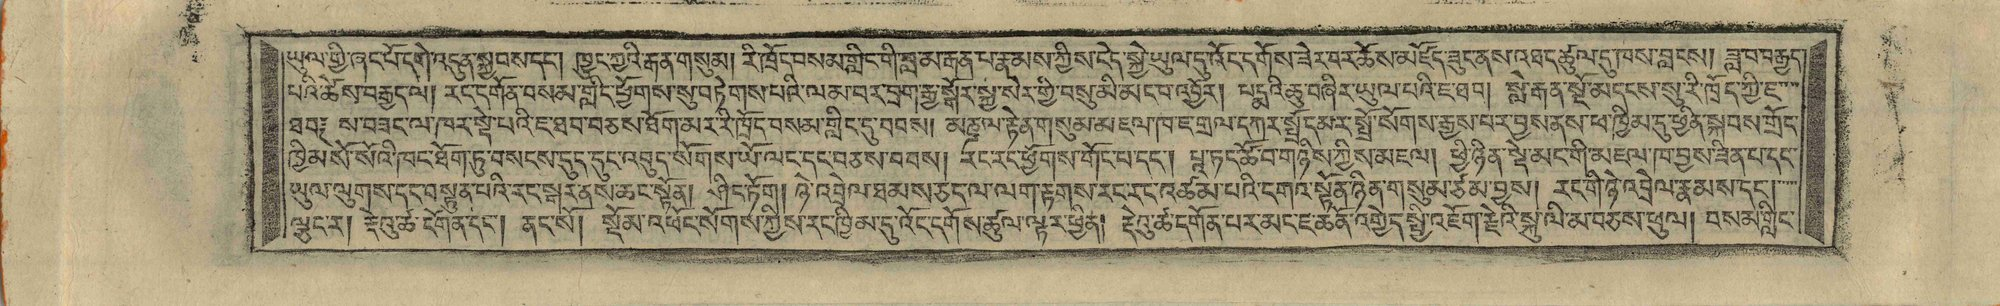ཡུལ་གྱི་ཞང་པོ་དགེ་འདུན་སྐྱབས་དང་། ཁྱུང་ཀྱའི་རྒན་གསུམ། རི་ཁྲོད་བསམ་གླིང་གི་བླ་མ་རྒན་པ་རྣམས་ཀྱིས་ངེད་སྐྱེ་ཡུལ་དུ་འོང་དགོས་ཟེར་བར་ཆོས་མཛོད་ཟུང་ནས་འཐད་ཚུལ་དུ་ཁས་བླངས། ཟླ་བ་བརྒྱད་
པའི་ཚེས་བརྒྱད་ལ། རང་དགོན་བསམ་གླིང་ཕྱོགས་སུ་བཏེགས་པའི་ལམ་བར་བྲག་རྒྱ་སྒོར་སྐྱ་སེར་གྱི་བསུ་མི་མང་བ་འབྱོར། པདམའི་ཆུ་བཞིར་ཡུལ་པའི་ཇ་ཐབ། སླེ་རྒན་སྔོ་མདངས་སུ་རི་ཁྲོད་ཀྱི་ཇ་
ཐབ༑ ས་བཟང་ལ་ཁར་སྡེ་པའི་ཇ་ཐབ་བཅས་ཐོག་མར་རི་ཁྲོད་བསམ་གླིང་དུ་བབས། མཎྜལ་རྟེན་གསུམ་མཇལ་ཁ་ཇ་གྲལ་དཀར་སྤྲོ་དམར་སྤྲོ་སོགས་རྒྱས་པར་བྱས་ནས་ཕ་ཁྱིམ་དུ་ཕྱིན་སྐབས་གྲོང་
ཁྱིམས་སོ་སོའི་ཁང་ཐོག་ཏུ་བསངས་དུད་དུང་འབུད་སོགས་ཡོ་ལང་དང་བཅས་བབས། རང་རང་ཕྱོགས་གོང་པ་དང་། པཱ་ཏང་ཚོ་བ་གཉིས་ཀྱིས་མཇལ། ཕྱི་ཉིན་སྡེ་མང་གི་མཇལ་ཁ་བྱས་ཟིན་པ་དང་
ཡུལ་ལུགས་དང་བསྟུན་པའི་རང་སྒར་ནས་ཆང་སྟོན། ཤིང་ཏོག །ཉེ་འབྲེལ་ཐམས་ཅད་ལ་ལག་རྟགས་རང་རང་འཚམ་པའི་དགའ་སྟོན་ཉིན་གསུམ་ཙམ་བྱས། རང་གི་ཉེ་འབྲེལ་རྣམས་དང་།
ལྕང་ར། རྡེའུ་ཚ་དགོན་དང་། ནང་སོ། སྡོམ་འཕོང་སོགས་ཀྱིས་རང་ཁྱིམ་དུ་འོང་དགོས་ཚུལ་ལྟར་ཕྱིན། རྡེའུ་ཚ་དགོན་པར་མང་ཇ་ཆོན་འགྱེད་སྤྱི་འཇོག་རྗེའི་སྐུ་ལི་མ་བཅས་ཕུལ། བསམ་གླིང་